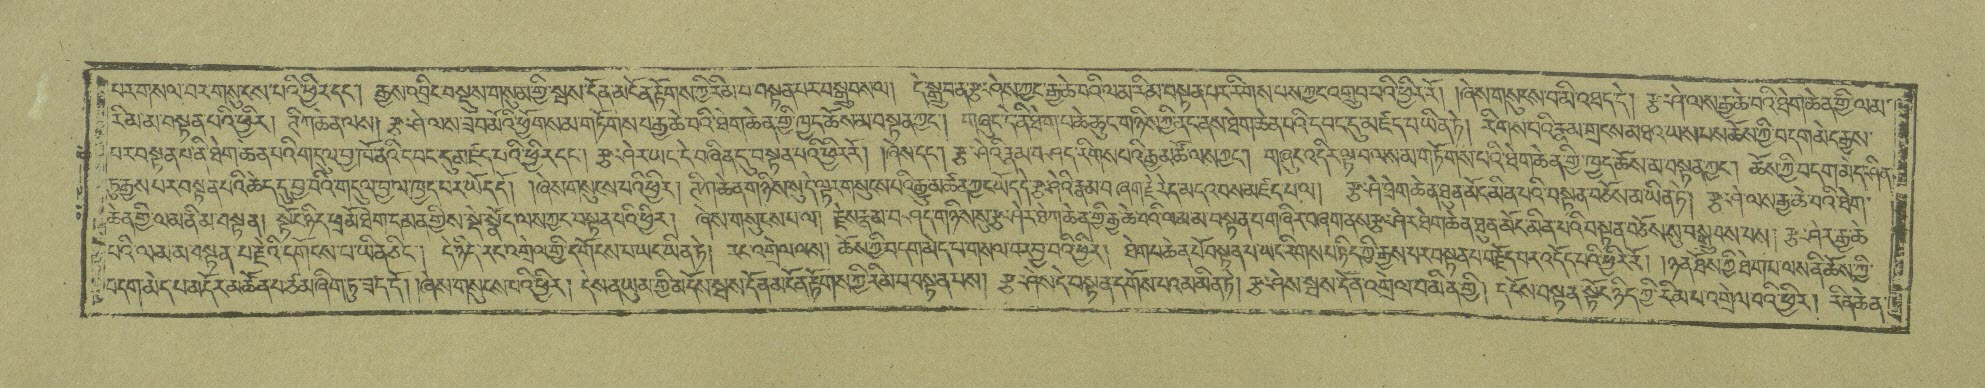པར་གསལ་བར་གསུངས་པའི་ཕྱིར་དང་། རྒྱས་འབྲིང་བསྡུས་གསུམ་གྱི་སྤང་དོན་མངོན་རྟོགས་ཀྱི་རིམ་པ་བསྟན་པར་བསྒྲུབ་ལ། དེ་སྒྲུབ་ན་རྩ་ཤེས་ཀྱང་རྒྱ་ཆེ་བའི་ལམ་རིམ་བསྟན་པར་རིགས་པས་ཀྱང་འགྲུབ་པའི་ཕྱིར་རོ། །ཞེས་གསུངས་པ་མི་འཐད་དེ། རྩ་ཤེ་ལས་རྒྱ་ཆེ་བའི་ཐེག་ཆེན་གྱི་ལམ་
རིམ་མ་བསྟན་པའི་ཕྱིར། ཊི་ཀ་ཆེན་ལས། རྩ་ཤེ་ལས་ཟབ་མོའི་ཕྱོགས་མ་གཏོགས་བརྒྱ་ཆེ་བའི་ཐེག་ཆེན་གྱི་ཁྱད་ཆོས་མ་བསྟན་ཀྱང་། གཞུང་དེ་ནི་ཐེག་པ་ཆེ་ཆུང་གཉིས་ཀྱི་ནང་ནས་ཐེག་ཆེན་བའི་དབང་དུ་མཛད་པ་ཡན་ཏེ། རིགས་པའི་རྣམ་གྲང་མཐའ་ཡས་པས་ཆོས་ཀྱི་བདག་མེད་རྒྱས་
བར་བསྟན་པ་ནི་ཐེག་ཆེན་པའི་གདུལ་བྱ་ཁོ་ནའི་དབང་དུ་མཛད་པའི་ཕྱིར་དང་། རྩ་ཤེར་ཡང་དེ་བཞིན་དུ་བསྟན་པའི་ཕྱིར་རོ། །ཞེས་དང་། རྩ་ཤེའི་རྣམ་བཤད་རིགས་པའི་རྒྱ་མཚོ་ལས་ཀྱང་། གཞུང་འདིར་ལྟ་བ་ལས་མ་གཏོགས་པའི་ཐེག་ཆེན་གྱི་ཁྱད་ཆོས་མ་བསྟན་ཀྱང་། ཆོས་ཀྱི་བདག་མེད་ཤིན་
ཏུ་རྒྱས་པར་བསྟན་པའི་ཆེད་དུ་བྱ་བའི་གདུལ་བྱ་ལ་ཁྱད་པར་ཡོད་དོ། །ཞེས་གསུངས་པའི་ཕྱིར། ཊཱིཀ་ཆེན་གཉིས་སུ་དེ་ལྟར་གསུངས་པའི་རྒྱུ་མཚན་ཀྱང་ཡོད་དེ་རྩ་ཤེའི་རྣམ་བཞག་རྗེ་རེད་མདའ་བས་མཛད་པ་ལ། རྩ་ཤེ་ཐེག་ཆེན་ཐུན་མོང་མིན་པའི་བསྟན་བཅོས་མ་ཡིན་ཏེ། རྩ་ཤེ་ལས་རྒྱ་ཆེ་བའི་ཐེག་
ཆེན་གྱི་ལམ་ནི་མ་བསྟན། སྟོང་ཉིད་ཕྲ་མོ་ཐེག་དམན་གྱིས་སྡེ་སྣོད་ལས་ཀྱང་བསྟན་པའི་ཕྱིར། ཞེས་གསུངས་པ་ལ། རྗེས་རྣམ་བཤད་གཉིས་སུ་རྩ་ཤེར་ཐེག་ཆེན་གྱི་རྒྱ་ཆེ་བའི་ལམ་མ་བསྟན་པ་གཞིར་བཞག་ནས་རྩ་ཤེར་ཐེག་ཆེན་ཐུན་མོང་མིན་པའི་བསྟན་བཅོས་སུ་བསྒྲུབས་པས། རྩ་ཤེར་རྒྱ་ཆེ་
བའི་ལམ་མ་བསྟན་པ་རྗེའི་དགོངས་པ་ཡིན་ཅིང་། དེ་ཉིད་རང་འགྲེལ་གྱི་དགོངས་པ་ཡང་ཡིན་ཏེ། རང་འགྲེལ་ལས། ཆོས་ཀྱི་བདག་མེད་པ་གསལ་བར་བྱ་བའི་ཕྱིར། ཐེག་པ་ཆེན་པོ་བསྟན་པ་ཡང་རིགས་པ་ཉིད་ཀྱི་རྒྱ་བར་བསྟན་པ་བརྗོད་པ་འདོད་པའི་ཕྱིར་རོ། །ཉན་ཐོས་ཀྱི་ཐེག་པ་ལས་ནི་ཆོས་ཀྱི་
བདག་མེད་པ་མདོར་མཚོན་པ་ཙམ་ཞིག་ཏུ་ཟད་དོ། །ཞེས་གསུངས་པའི་ཕྱིར། དེས་ན་ཡུམ་གྱི་མདོས་སྤས་དོན་མངོན་རྟོགས་ཀྱི་རིམ་པ་བསྟན་པས། རྩ་ཤེས་དེ་བསྟན་དགོས་པའམ་མིན་ཏེ། རྩ་ཤེས་སྤས་དོན་འགྲེལ་པ་མིན་གྱི། དངོས་བསྟན་སྟོང་ཉིད་ཀྱི་རིམ་པ་འགྲེལ་བའི་ཕྱིར། རིན་ཆེན་